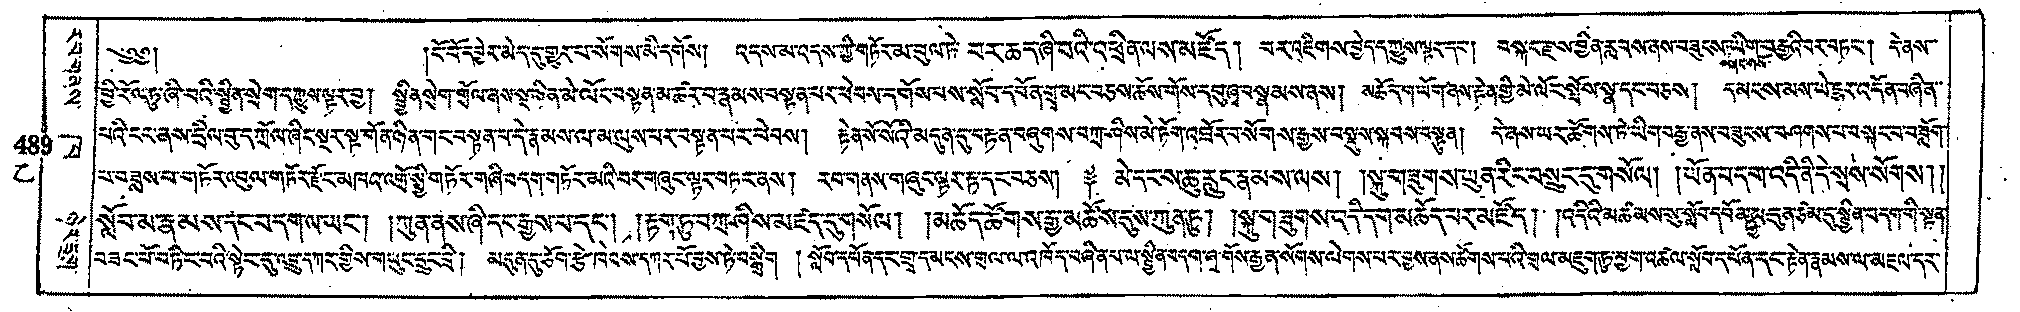༄༅། །ངོ་བོ་དབྱེར་མེད་དུ་གྱུར་པ་སོགས་མི་དགོས། འདས་མ་འདས་ཀྱི་གཏོར་མ་ཕུལ་ཏེ་བར་ཆད་ཞི་བའི་འཕྲིན་ལས་མཛོད། བར་འཇིགས་བྱེད་དཀྱུས་ལྟར་དང་། བསྐང་རྫས་བྱིན་རླབས་ནས་བཟུངས་བསྐང་གསོ་ཡིག་བརྒྱའི་བར་བཏང་། དེ་ནས་
ཕྱི་རོལ་ཏུ་ཞི་བའི་སྦྱིན་སྲེག་དཀྱུས་ལྟར་བྱ། སྦྱིན་སྲེག་གྲོལ་ནས་སྔ་ཉིད་མེད་ལོང་བསྟན་མ་ཚར་བ་རྣམས་བསྟན་པར་ཕེབས་དགོས་པས་སློབ་དཔོན་གྲྭ་མང་བཅས་ཆོས་གོས་དབུ་ཞྭ་བསྣམས་ནས། མཆོད་གཡོག་ནས་རྟེན་གྱི་མེ་ལོང་སྤོས་སྣ་དང་བཅས། དམངས་མས་ཡེ་དྷར་འདོན་བཞིན་
པའི་ངང་ནས་དྲིལ་བུ་དཀྲིལ་ཞིང་སྔར་སྟ་གོན་ཉིན་གང་བསྟན་པ་དེ་རྣམས་ལ་མ་ལུས་པར་བསྟན་པར་ཕེབས། རྟེན་སོ་སོའི་མདུན་དུ་བརྟན་བཞུགས་བཀྲ་ཤིས་མེ་ཏོག་འཐོར་བ་སོགས་རྒྱས་བསྡུས་སྐབས་བསྟུན། དེ་ནས་ཡར་ཚོགས་ཏེ་ཡིག་བརྒྱ་ནས་བཟུངས་བཤགས་པ་བསྐང་བ་བཟློག་
པ་བཟླས་པ་གཏོར་འབུལ་གཏོར་རྫོང་མཁའ་འགྲོ་སྤྱི་གཏོར་གཞི་བདག་གཏོར་མའི་བར་གཞུང་ལྟར་བཏང་ནས། རབ་གནས་གཞུང་ལྟར་རྟ་དང་བཅས། འ་མེ་དང་ས་ཆུ་རླུང་རྣམས་ལས། །སྐུ་གཟུགས་ཡུན་རིང་བསྲུང་དུ་གསོལ། །ཡོན་བདག་འདི་ནི་དེ་སྲས་སོགས། །
སློབ་མ་རྣམས་དང་བདག་ལ་ཡང་། །ཀུན་ནས་ཞི་དང་རྒྱས་པ་དང་། །རྟག་ཏུ་བཀྲ་ཤིས་མཛད་དུ་གསོལ། །མཆོད་ཚོགས་རྒྱ་མཚོས་དུས་ཀུན་ཏུ། །སྐུ་གཟུགས་འདི་དག་མཆོད་པར་མཛོད། །འདིའི་མཚམས་སུ་སློབ་དཔོན་གྱི་མདུན་ཙམ་དུ་བྱིན་བདག་གི་སྟན་
བཟང་པོ་བཏིང་བའི་སྟེང་དུ་འབྲུ་དཀར་གྱིས་གཡུང་དྲུང་བྲི། མདུན་དུ་ཅོག་རྩེ་ཁེབས་དཀར་པོ་བྱས་ཏེ་བསྒྲིག །སློབ་དཔོན་དང་གྲྭ་དམངས་གྲལ་ལ་འཁོད་བཞིན་པ་ལ་སྦྱིན་བདག་ཞྭ་གོས་རྒྱན་སོགས་ལེགས་པར་བྱས་ནས་ཚོགས་པའི་གྲལ་མཇུག་ཏུ་ཕྱག་འཚལ་སློབ་དཔོན་དང་རྟེན་རྣམས་ལ་མཇལ་དར་